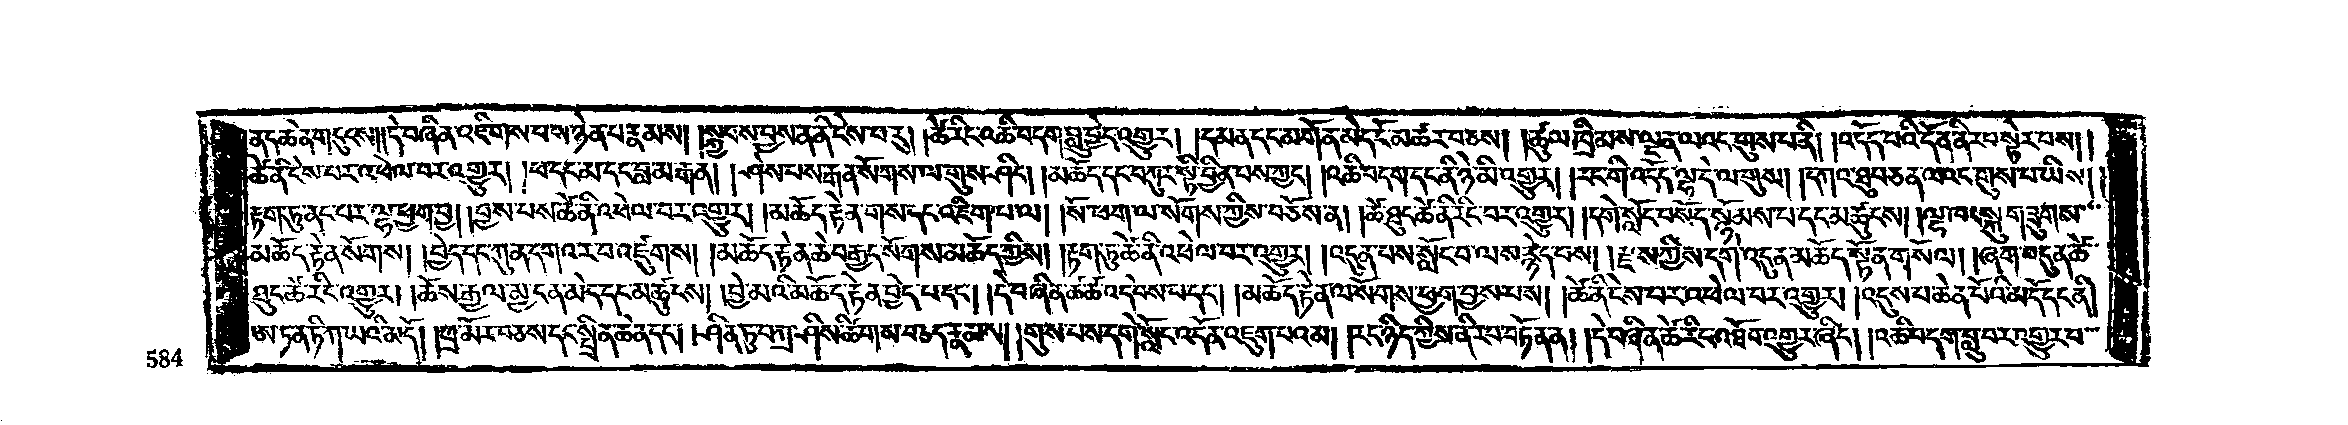ནད་ཆེན་གདུངས། །དེ་བཞིན་འཇིགས་པས་ཉེན་པ་རྣམས། །སྐྱབས་བྱས་ན་ནི་ངེས་པ་རུ། །ཚེ་རིང་འཆི་བདག་བླུ་བྱེད་འགྱུར། །དམན་དང་མགོན་མེད་ངོ་མཚར་བཅས། །ཚུལ་ཁྲིམས་ལྡན་ལའང་གུས་པ་ནི། །འདོད་པའི་དོན་ནི་རབ་སྟེར་བས། །
ཚེ་ནི་ངེས་པར་འཕེལ་བར་འགྱུར། །ཕ་དང་མ་དང་བླ་མ་རྒན། །ཤེས་པས་རྒན་སོགས་ལ་གུས་ཤིང་། །མཆོད་དང་བཀུར་སྟེ་བྱིན་པས་ཀྱང་། །འཆི་བདག་དང་ནི་ཉེ་མི་འགྱུར། །རང་གི་འདོད་ལྷ་དེ་ལ་གུས། །དཀའ་ཐུབ་ཅན་ལའང་གུས་པ་ཡིས། །
རྟག་ཏུ་ནང་པར་ལྷ་ཕྱག་བྱ། །བྱས་པས་ཚེ་ནི་འཕེལ་བར་འགྱུར། །མཆོད་རྟེན་གས་དང་འཇིག་པ་ལ། །སོ་ཕག་ལ་སོགས་ཀྱིས་བཅོས་ན། །ཚེ་ཐུང་ཚེ་ནི་རིང་བར་འགྱུར། །དགེ་སློང་བསོད་སྙོམས་པ་དང་མཚུངས། །ལྷ་ཁང་སྐུ་གཟུགས་
མཆོད་རྟེན་སོགས། །བྱེད་དང་ཀུན་དགའ་ར་བ་འཛུགས། །མཆོད་རྟེན་ཆེ་བརྒྱད་སོགས་མཆོད་ཀྱིས། །རྟག་ཏུ་ཚེ་ནི་འཕེལ་བར་འགྱུར། །འདུན་པས་སློང་བ་ལས་རྙེད་པས། །རྫས་ཀྱིས་དགེ་འདུན་མཆོད་སྟོན་གསོལ། །ཞག་བདུན་ཚེ་
ཐུང་ཚེ་རིང་འགྱུར། །ཆོས་རྒྱལ་མྱ་ངན་མེད་དང་མཚུངས། །བྱེ་མའི་མཆེད་རྟེན་བྱེད་པ་དང་། །དེ་བཞིན་ཚ་ཚ་འདེབས་པ་དང་། །མཆོད་རྟེན་ལ་སོགས་ཕྱག་བྱས་པས། །ཚེ་ནི་ངེས་པར་འཕེལ་བར་འགྱུར། །འདུས་པ་ཆེན་པོའི་མདོ་དང་ནི།
ཨ་ཏ་ན་ཏི་ཀ་ཡའི་མདོ། །ཕྲ་མོར་བཅས་དང་སྤྲིན་ཆེན་དང་། །ཤིན་ཏུ་བཀྲ་ཤིས་ཚིགས་བཅད་རྣམས། །གུས་པས་དགེ་སློང་འདོན་འཇུག་པའམ། །རང་ཉིད་ཀྱིས་ནི་རབ་བཏོན་ན། །དེ་བཞིན་ཚེ་རིང་འཐོབ་འགྱུར་ཞིང་། །འཆི་བདག་བླུ་བར་འགྱུར་བ་